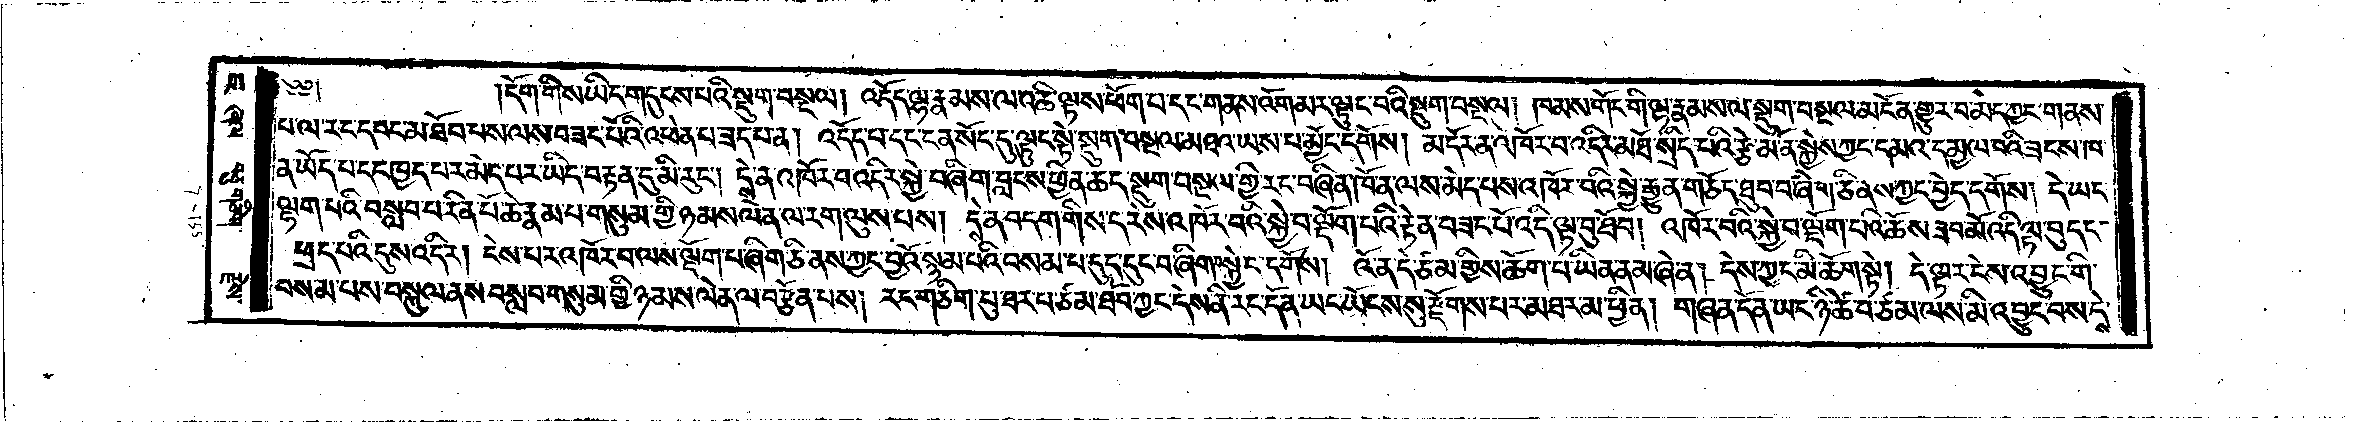༄༅། །དོག་གིས་ཡིད་གདུངས་པའི་སྡུག་བསྔལ། འདོད་ལྷ་རྣམས་ལ་འཆི་ལྟས་ཕོག་པ་དང་གནས་འོག་མར་ལྟུང་བའི་སྡུག་བསྔལ། ཁམས་གོང་གི་ལྷ་རྣམས་ལ་སྡུག་བསྔལ་མངོན་གྱུར་བ་མེད་ཀྱང་གནས་
པ་ལ་རང་དབང་མ་ཐོབ་པས་ལས་བཟང་པོའི་འཕེན་བཟད་པ་ན། འདོད་པ་དང་ངན་སོང་དུ་ལྟུང་སྟེ་སྡུག་བསྔལ་མཐའ་ཡས་པ་མྱོང་དགོས། མདོར་ན་འཁོར་བ་འདིར་མཐོ་སྲིད་པའི་རྩེ་མོ་ན་སྐྱེས་ཀྱང་དམའ་དམྱལ་བའི་ཟངས་ཁ་
ན་ཡོད་པ་དང་ཁྱད་པར་མེད་པར་ཡིད་བརྟན་དུ་མི་རུང་། དེས་ན་འཁོར་བ་འདིར་སྐྱེ་བ་ཞིག་བླངས་ཕྱིན་ཆད་སྡུག་བསྔལ་གྱི་རང་བཞིན་ཁོ་ན་ལས་མེད་པས་འཁོར་བའི་སྐྱེ་རྒྱུན་གཅོད་ཐུབ་བ་ཞིག་ཅི་ནས་ཀྱང་བྱེད་དགོས། དེ་ཡང་
ལྷག་པའི་བསླབ་པ་རིན་པོ་ཆེ་རྣམ་པ་གསུམ་གྱི་ཉམས་ལེན་ལ་རག་ལུས་པས། དེས་ན་བདག་གིས་ད་རེས་འཁོར་བའི་སྐྱེ་བ་ལྡོག་པའི་རྟེན་བཟང་པོ་འདི་ལྟ་བུ་ཐོབ། འཁོར་བའི་སྐྱེ་བ་ལྡོག་པའི་ཆོས་ཟབ་མོ་འདི་ལྟ་བུ་དང་
ཕྲད་པའི་དུས་འདིར། ངེས་པར་འཁོར་བ་ལས་ལྡོག་པ་ཞིག་ཅི་ནས་ཀྱང་བྱའོ་སྙམ་པའི་བསམ་པ་དུང་དུང་བ་ཞིག་བསྐྱེད་དགོས། འོ་ན་དེ་ཙམ་གྱིས་ཆོག་པ་ཡིན་ནམ་ཞེ་ན། དེས་ཀྱང་མི་ཆོག་སྟེ། དེ་ལྟར་ངེས་འབྱུང་གི་
བསམ་པས་བསྐུལ་ནས་བསླབ་གསུམ་གྱི་ཉམས་ལེན་ལ་བརྩོན་པས། རང་གཅིག་པུ་ཐར་པ་ཙམ་ཐོབ་ཀྱང་དེས་ནི་རང་དོན་ཡང་ཡོངས་སུ་རྫོགས་པར་མཐར་མ་ཕྱིན། གཞན་དོན་ཡང་ཉི་ཚེ་བ་ཙམ་ལས་མི་འབྱུང་བས་དེས་